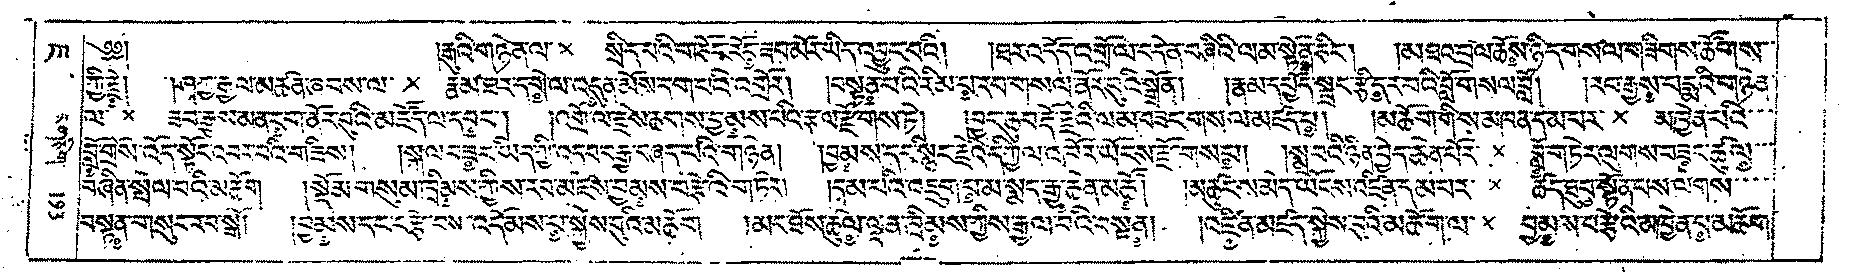༄༅། །རྒུའི་གཉེན་ལ་྾་སྲིད་པའི་གཙོང་རོང྾་ཟབ་མོར་ཡིད་འབྱུང་བའི། །ཐར་འདོད་འགྲོ་ལ་བདེན་བཞིའི་ལམ་སྟོན྾་ཅིང་། །མཐའ་བྲལ་ཆོས྾་ཉིད་གསལ་གཟིགས་ཚོགས་
ཀྱི་རྗེ྾། །ཤཱཀྱ་རྒྱལ་མཚན་ཞབས་ལ་྾་རྣམ་ཐར་དགེ྾་ལ་འདུན྾་མོས་དག་པའི་འགྲོར། །བསྟན྾་པའི་རིམ་པ྾་རབ་གསལ་ནོར་བུའི་སྒྲོན། །རྣམ་དཔྱོད་སྦྲང་རྩི་དར྾་བའི་བློ་གསལ་བློ། །རབ་རྒྱས྾་པདམའི་གཉེན་
ལ་྾་ཟབ་རྒྱས་མན་ངག྾་ནོར་བུའི་མཛོད་ལ་དབང་། །འགྲོ་ལ་རྗེས་ཆགས་བྱམས྾་པའི་རྩལ་རྫོགས་ཏེ། །བྱང་ཆུབ་རྡོ་རྗེའི་ལམ་བཟང་གསལ་མཛད་པ྾། །མཆོག་གིས་མཁན་དམ་པར་྾་མཁྱེན་པའི་
བློ྾་གྲོས་འོད་སྟོང་འབར་བའི་གཟིས། །སྐལ་བཟང྾་ཡིད་ཀྱི་འདབ་བརྒྱ་བཞད་པའི་གཉེན། །བྱམས྾་དང་སྙིང་རྗེའི་དཀྱིལ་འཁོར་ཡོངས་རྫོགས་པ྾། །སྨྲ་བའི་ཉིན་བྱེད་ཆེན་པོར་྾་བློ་གཏེར་ལུགས་བཟང་ཚུལ྾་
བཞིན་སྤེལ་བའི་མཆོག །སྡོམ་གསུམ་ཁྲིམས྾་ཀྱིས་རབ་མཛེས་བྱམས྾་བརྩེའི་གཏེར། །དམ་པའི་འཇུག་པ྾་མ་སྨད་རྒྱ྾་ཆེན་མཚོ྾། །མཚུངས་མེད་ཡོངས་འཛིན་དམ་པར་྾་ཚོད་ཐུབ྾་སྟོན་པས་ལེགས་
བསྟན྾་གསུང་རབ་སྒོ། །བྱམས྾་དང་བརྩེ་བས་འདོམས་པ྾་སྐྱེས་བུའི་མཆོག །མང་ཐོས་ཚུལ྾་ལྡན་ཁྲིམས྾་ཀྱིས་རྒྱལ་བའི་བསྟན྾། །འཛིན་མཛད་སྐྱེས་བུའི་མཆོག་ལ་྾་བྱམས྾་བརྩེའི་མཁྱེན་པ྾་མཆོག་